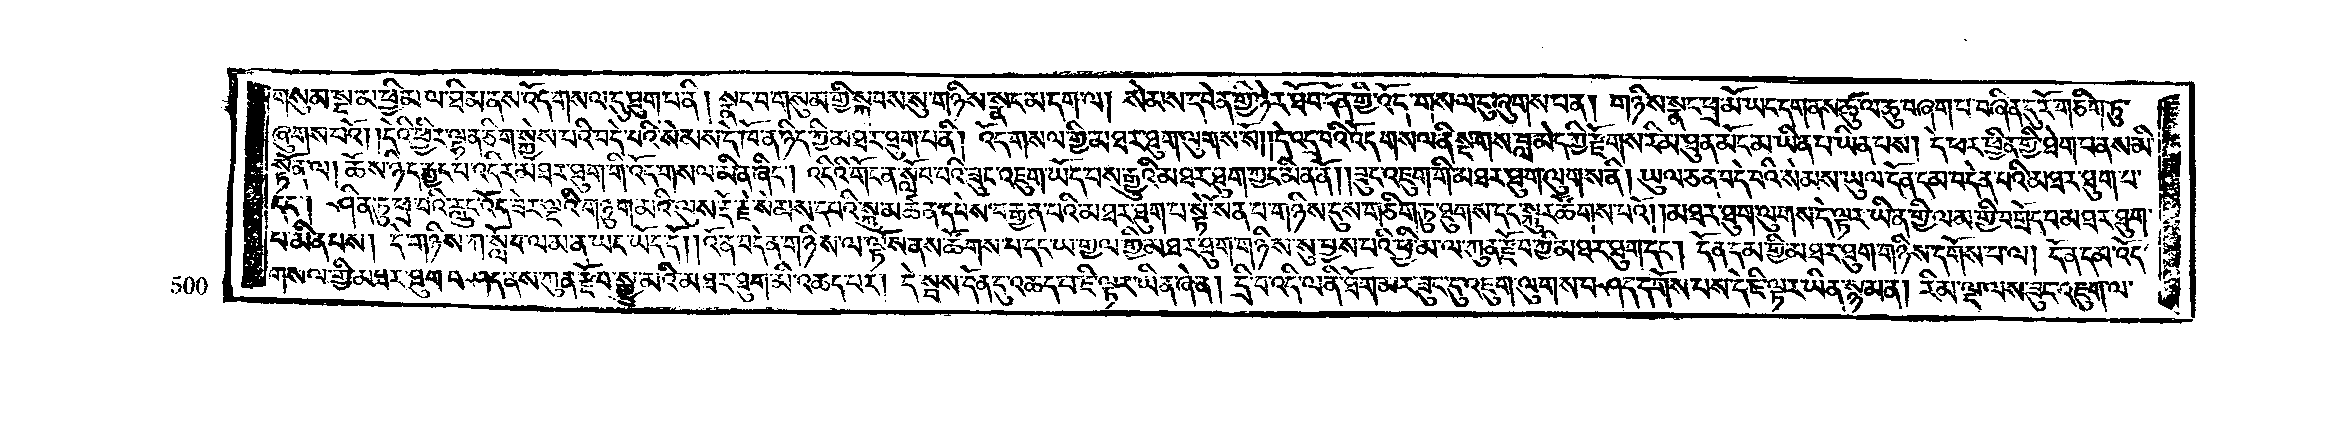གསུམ་སྔ་མ་ཕྱི་མ་ལ་ཐིམ་ནས་འོད་གསལ་དུ་ཐུག་པ་ནི། སྣང་བ་གསུམ་གྱི་སྐབས་སུ་གཉིས་སྣང་མ་དག་ལ། སེམས་དབེན་གྱི་ཉེར་ཐོབ་དོན་གྱི་འོད་གསལ་དུ་ཞུགས་པ་ན། གཉིས་སྣང་ཕྲ་མོ་ཡང་དག་ནས་ཆུ་ལ་ཆུ་བཞག་པ་བཞིན་དུ་རོ་གཅིག་ཏུ་
ཞུགས་པའོ། །དེའི་ཕྱིར་ལྷན་ཅིག་སྐྱེས་པའི་བདེ་བའི་སེམས་དེ་ཁོ་ན་ཉིད་ཀྱི་མཐར་ཐུག་པ་ནི། འོད་གསལ་གྱི་མཐར་ཐུག་ལུགས་སོ། །དེ་འདྲ་བའི་འོད་གསལ་ནི་སྔགས་བླ་མེད་ཀྱི་རྫོགས་རིམ་ཐུན་མོང་མ་ཡིན་པ་ཡིན་པས། དེ་ཕར་ཕྱིན་གྱི་ཐེག་པ་ནས་མི་
སྟོན་ལ། ཆོས་ཉིད་རྐྱང་པ་འདིར་མཐར་ཐུག་གི་འོད་གསལ་མིན་ཞིང་། འདིའི་གོང་ན་སློབ་པའི་ཟུང་འཇུག་ཡོད་པས་རྒྱུའི་མཐར་ཐུག་ཀྱང་མིན་ནོ། །ཟུང་འཇུག་གི་མཐར་ཐུག་ལུགས་ནི། ཡུལ་ཅན་བདེ་བའི་སེམས་ཡུལ་དོན་དམ་བདེན་པའི་མཐར་ཐུག་པ་
དང་། ཤིན་ཏུ་ཕྲ་བའི་རླུང་འོད་ཟེར་ལྔའི་གཉུག་མའི་ལུས་རྡོ་རྗེ་སེམས་དཔའི་སྐུ་མཚན་དཔེས་བརྒྱན་པའི་མཐར་ཐུག་པ་སྟེ་སོན་པ་གཉིས་དུས་གཅིག་ཏུ་ཐུགས་དང་སྐུར་ཚོགས་པའོ། །མཐར་ཐུག་ལུགས་དེ་ལྟར་ཡིན་གྱི་ལམ་གྱི་བགྲོད་པ་མཐར་ཐུག་
པ་མིན་པས། དེ་གཉིས་ཀ་སློབ་ལམ་ན་ཡང་ཡོད་དོ། །འོ་ན་བདེན་གཉིས་ལ་ལྟེས་ནས་ཚོགས་པ་དང་ཡ་གྱལ་གྱི་མཐར་ཐུག་གཉིས་སུ་བྱས་པའི་ཕྱི་མ་ལ་ཀུན་རྫོབ་ཀྱི་མཐར་ཐུག་དང་། དོན་དམ་གྱི་མཐར་ཐུག་གཉིས་དགོས་པ་ལ། དོན་དམ་འོད་
གསལ་གྱི་མཐར་ཐུག་བཤད་ནས་ཀུན་རྫོབ་སྒྱུ་མའི་མཐར་ཐུག་མི་འཆད་པར། དེ་སྦས་དོན་དུ་འཆད་པ་ཇི་ལྟར་ཡིན་ཞེ་ན། དྲི་བ་འདི་ལ་ནི་ཐོག་མར་ཟུང་དུ་འཇུག་ལུགས་བཤད་དགོས་པས་དེ་ཇི་ལྟར་ཡིན་སྙམ་ན། རིམ་ལྔ་ལས་ཟུང་འཇུག་ལ་